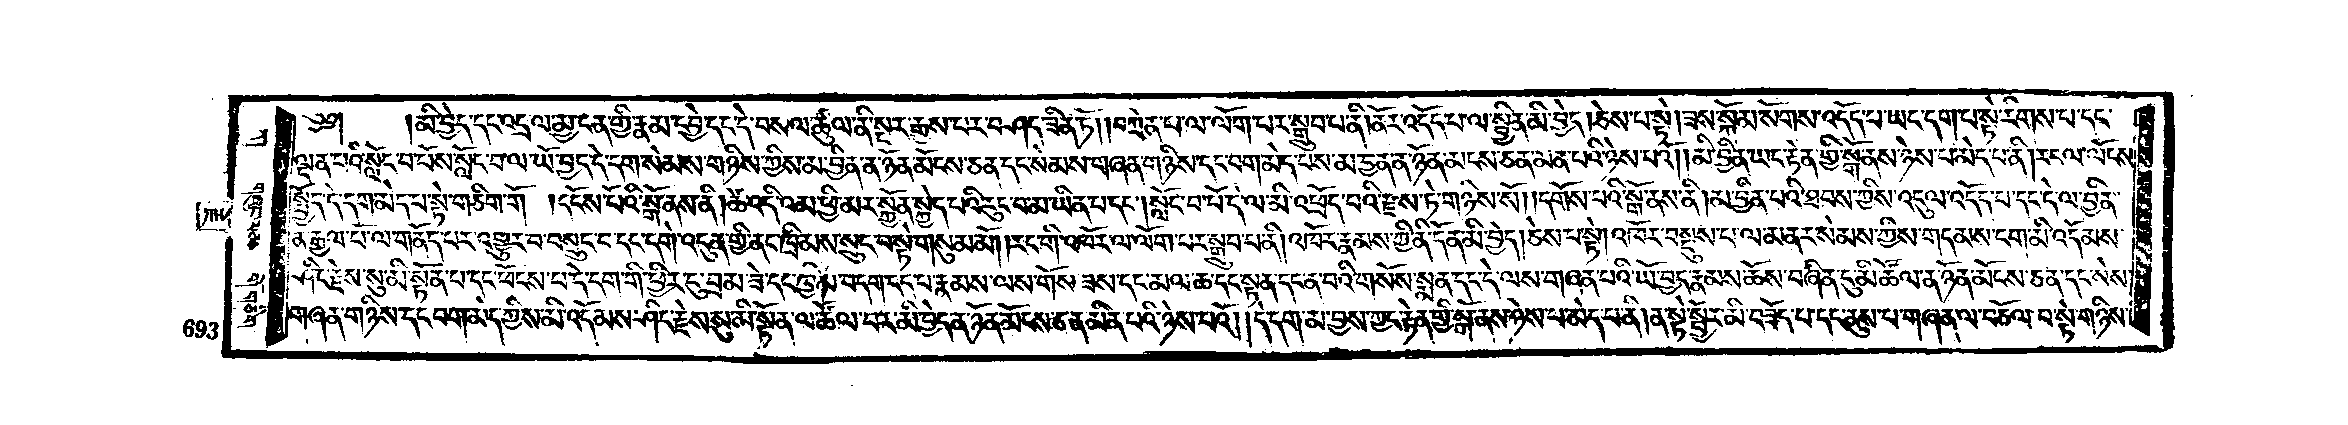༄༅། །མི་བྱེད་དང་འདྲ་ལ་མྱ་ངན་གྱི་རྣམ་དབྱེ་དང་དེ་བསལ་ཚུལ་ནི་སྔར་རྒྱས་པར་བཤད་ཟིན་ཏོ། །བཀྲེན་པ་ལ་ལོག་པར་སྒྲུབ་པ་ནི། ནོར་འདོད་པ་ལ་སྦྱིན་མི་བྱེད། ཅེས་པ་སྟེ། ཟས་སྐོམ་སོགས་འདོད་པ་ཡང་དག་པ་སྟེ་རིགས་པ་དང་
ལྡན་པའི་སློང་བ་པོས་སློང་བ་ལ་ཡོ་བྱད་དེ་དག་སེམས་གཉིས་ཀྱིས་མ་བྱིན་ན་ཉོན་མོངས་ཅན་དང་སེམས་གཞན་གཉིས་དང་བག་མེད་པས་མ་བྱན་ན་ཉོན་མོངས་ཅན་མན་པའི་ཉེས་པའོ། །མི་བྱིན་ཡང་རྟེན་གྱི་སྒོ་ནས་ཉེས་པ་མེད་པ་ནི། རང་ལ་ལོངས་
སྤྱོད་དེ་དག་མེད་པ་སྟེ་གཅིག་གོ །དངོས་པོའི་སྒོ་ནས་ནི། ཚེ་འདི་འམ་ཕྱི་མར་སྐྱོན་སྐྱེད་པའི་རུང་བ་མ་ཡིན་པ་དང་། སློང་བ་པོ་དེ་ལ་མི་འཕྲོད་པའི་རྫས་ཏེ་གཉིས་སོ། །དགོས་པའི་སྒོ་ནས་ནི། མ་བྱིན་པའི་ཐབས་ཀྱིས་འདུལ་འདོད་པ་དང་དེ་ལ་བྱིན་
ན་རྒྱལ་པོ་ལ་གནོད་པར་འགྱུར་བ་བསྲུང་བ་དང་དགེ་འདུན་གྱི་ནང་ཁྲིམས་སྲུང་བ་སྟེ་གསུམ་མོ། །རང་གི་འཁོར་ལ་ལོག་པར་སྒྲུབ་པ་ནི། འཁོར་རྣམས་ཀྱི་ནི་དོན་མི་བྱེད། ཅེས་པ་སྟེ། འཁོར་བསྡུས་པ་ལ་མནར་སེམས་ཀྱིས་གདམས་ངག་མི་འདོམས་
ཤིང་རྗེས་སུ་མི་སྟོན་པ་དང་ཕོངས་པ་དེ་དག་གི་ཕྱིར་དུ་བྲམ་ཟེ་དང་ཁྱིམ་བདག་དད་པ་རྣམས་ལས་གོས་ཟས་དང་མལ་ཆ་དང་སྟན་དང་ན་བའི་གསོས་སྨན་དང་དེ་ལས་གཞན་པའི་ཡོ་བྱད་རྣམས་ཆོས་བཞིན་དུ་མི་ཚོལ་ན་ཉོན་མོངས་ཅན་དང་སེས་
གཞན་གཉིས་དང་བག་མེད་ཀྱིས་མི་འདོམས་ཤིང་རྗེས་སུ་མི་སྟོན་ལ་ཚོལ་བར་མི་བྱེད་ན་ཉོན་མོངས་ཅན་མིན་པའི་ཉེས་པའོ། །དེ་དག་མ་བྱས་ཀྱང་རྟེན་གྱི་སྒོ་ནས་ཉེས་པ་མེད་པ་ནི། ན་སྟེ་སྦྱོར་མི་བཟོད་པ་དང་ནུས་པ་གཞན་ལ་བཅོལ་བ་སྟེ་གཉིས་